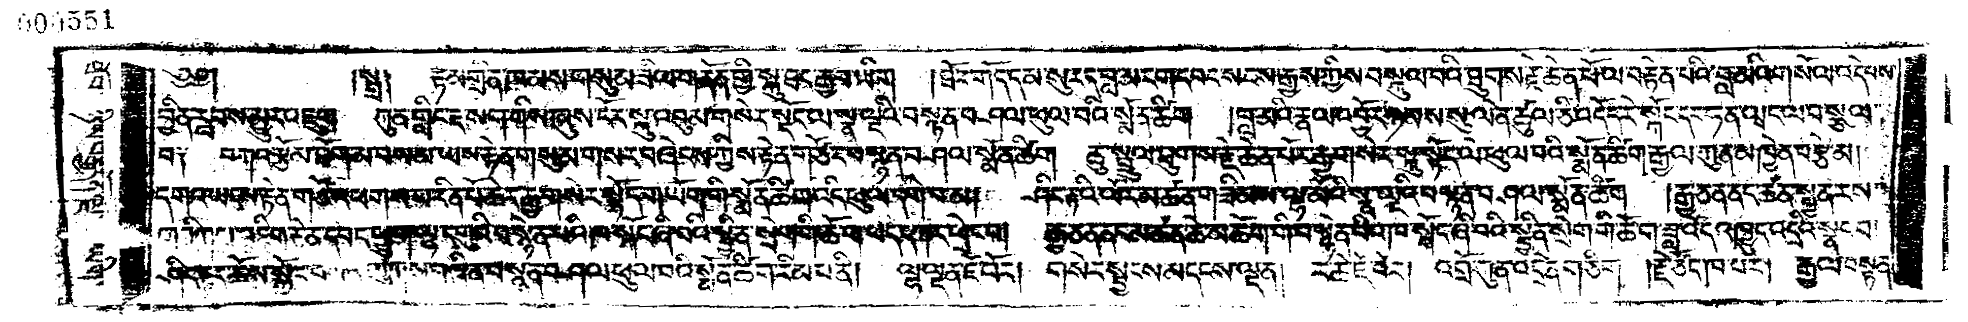༄༅། །སྒྲ༑ རྟ་མགྲིན་ཁམས་གསུམ་ཟིལ་གནོན་གྱི་སྐུ་ཐང་རྒྱབ་ཡིག །ཐོར་གོད་དམ་སུ་རད་བླ་མ་ངག་དབང་སངས་རྒྱས་ཀྱིས་བསྐུལ་བའི་ཐུགས་རྗེ་ཆེན་པོ་ལ་བརྟེན་པའི་བླ་མའི་གསོལ་འདེབས་
བྱིན་རླབས་མྱུར་འཇུག་ཀུན་གླིང་ཇ་སག་གིས་ཞུས་ངོར་སྐུ་འབུམ་གསེར་སྡོང་ལ་སྣ་ལྔའི་བསྙན་བཤལ་ཕུལ་བའི་སྨོན་ཚིག །བླ་མའི་རྣལ་འབྱོར་ཉམས་སུ་ལེན་ཚུལ་ཅི་འདོད་རེ་སྐོང་དར་ཧན་ལྭང་ལ་བསྩལ་
བ༑ བཀའ་རྩོམ་ཐོག་མ་བསམ་ཡས་རྟེན་གསུམ་གསར་བཞེངས་ཀྱིས་རྟེན་གཙོར་བསྙན་བཤལ་སྨོན་ཚིག་ཆུ་སྦྲུལ་ཐུགས་རྗེ་ཆེན་པོར་རྒྱ་གསེར་སྐུ་སྟོད་ལེ་ཕུལ་བའི་སྨོན་ཚིག་རྒྱལ་ཀུན་མཁྱེན་བརྩེ་མ།
དགའ་ཡངས་རྟེན་གཙོ་འཕགས་པ་རིན་པོ་ཆེར་རྒྱ་གསེར་སྟོད་གཡོག་གི་སྨོན་ཚིག་འདི་ཕུལ་དགེ་བ་མ། ཤིང་རྟའི་ལོར་མཚན་གཟིམས་ལྷ་མོའི་སྣ་ལྔའི་བསྙན་བཤལ་སྨོན་ཚིག །རྒྱ་ཅན་ནང་ཚན་སྤྱན་རས་
གཟིགས་འཇིག་རྟེན་དབང་ཕྱུག་ལྷ་དགུའི་བསྙེན་པའི་ཁ་སྐོང་ཞི་བའི་སྦྱིན་སྲེག་གི་ཆོ་ག་པད་དཀར་ཕྲེང་བ། རྒྱ་ཅན་ནང་མཚན་ཆེ་མཆོག་གི་བསྙེན་པའི་ཁ་སྐོང་ཞི་བའི་སྦྱིན་སྲེག་གི་ཆོ་ག་ཟླ་འོད་འཁྱུད་འདྲའི་སྣང་བ།
ཤིང་རྟར་ཆོས་སྐྱོང་བཀའ་ལུགས་བཞིན་བསྙན་བཤལ་ཕུལ་བའི་སྨོན་ཚིག་རིམ་པ་ནི། ལྷ་ལྡན་ཇོ་བོར། གསེར་སྦྱངས་མདངས་ལྡན། ར་ཆེ་ཇོ་བོར། འགྲོ་ཀུན་འདྲེན་གཅིག །རྗེ་ཙོང་ཁ་པར། རྒྱལ་བསྟན་